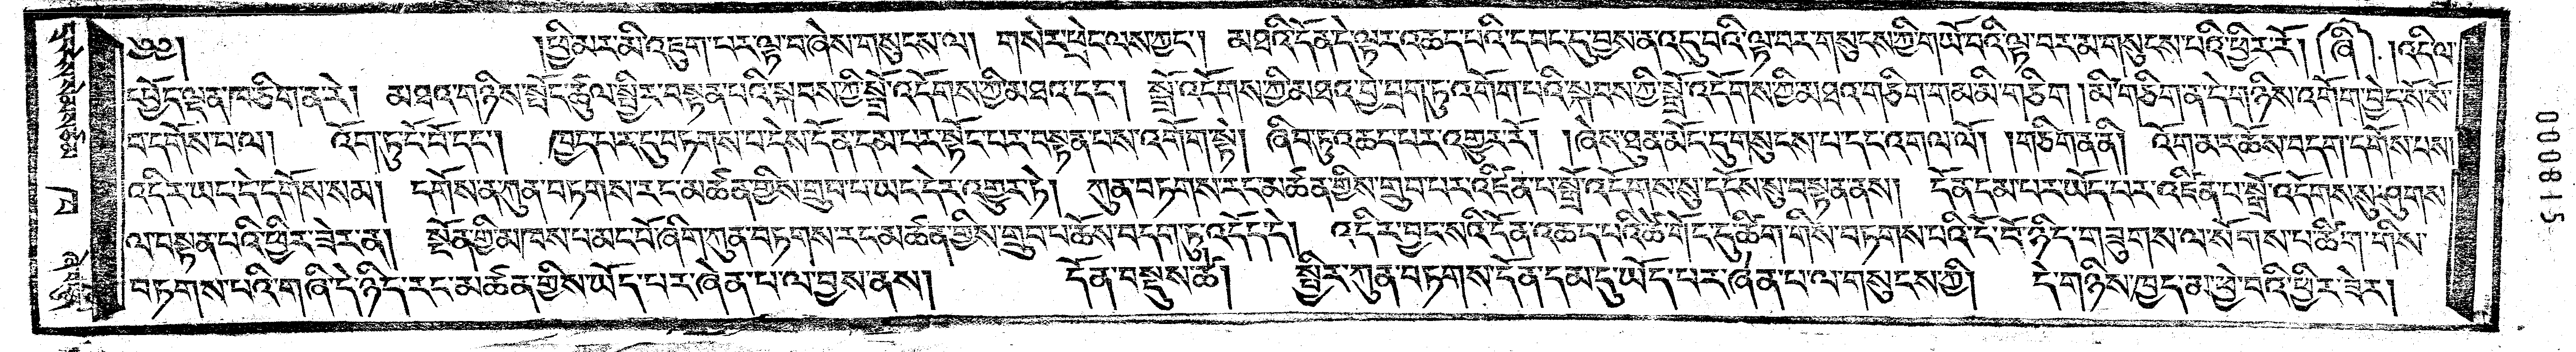༄༅། །ཕྱི་མར་མི་འཇུག་པར་ལྟ་བ་ཞེས་གསུངས་ལ། གསེར་ཕྲེང་ལས་ཀྱང་། མཐའི་དོན་དེ་ལྟར་འཆད་པའི་དབང་དུ་བྱས་ན་འདུ་བའི་ལྟ་བར་གསུངས་ཀྱི་གཡོ་བའི་ལྟ་བར་མ་གསུངས་པའི་ཕྱིར་རོ། ༼ཞི༽ །འདི་ལ་
དཔྱོད་ལྡན་ཁ་ཅིག་ན་རེ། མཐའ་གཉིས་སྤོང་ཚུལ་སྤྱིར་བསྟན་པའི་སྐབས་ཀྱི་སྒྲོ་འདོགས་ཀྱི་མཐའ་དང་། སྒྲོ་འདོགས་ཀྱི་མཐའ་བྱེ་བྲག་ཏུ་འགོག་པའི་སྐབས་ཀྱི་སྒྲོ་འདོགས་ཀྱི་མཐའ་གཅིག་གམ་མི་གཅིག །མི་གཅིག་ན་དེ་གཉིས་འགོག་བྱེད་སོ་སོ་
བ་དགོས་པ་ལ། འོག་ཏུ་ངོ་བོ་དང་། ཁྱད་པར་དུ་བཏགས་པ་དེས་དོན་དམ་པར་སྟོང་པར་བསྟན་པས་འགོག་སྟེ། ཞིབ་ཏུ་འཆད་པར་འགྱུར་རོ། །ཞེས་ཐུན་མོང་དུ་གསུངས་པ་དང་འགལ་ལོ། །གཅིག་ན་ནི། འོག་མར་ཆོས་བདག་དགོས་པས།
འདིར་ཡང་དེ་དགོས་སམ། དགོས་ན་ཀུན་བཏགས་རང་མཚན་གྱིས་གྲུབ་པ་ཡང་དེར་འགྱུར་ཏེ། ཀུན་བཏགས་རང་མཚན་གྱིས་གྲུབ་པར་འཛིན་པ་སྒྲོ་འདོགས་སུ་དངོས་སུ་བསྟན་ནས། དོན་དམ་པར་ཡོད་པར་འཛིན་པ་སྒྲོ་འདོགས་སུ་ཤུགས་
ལ་བསྟན་པའི་ཕྱིར་ཟེར་ན། སྔོན་གྱི་མཁས་པ་མང་པོ་ཞིག་ཀུན་བཏགས་རང་མཚན་གྱིས་གྲུབ་པ་ཆོས་བདག་ཏུ་འདོད་དེ། འདིར་བྱང་སའི་དོན་འཆད་པའི་ཚེ་གོང་དུ་ཚིག་གིས་བཏགས་པའི་ངོ་བོ་ཉིད་གཟུགས་ལ་སོགས་པ་ཚིག་གིས་
བཏགས་པའི་གཞི་དེ་ཉིད་རང་མཚན་གྱིས་ཡོད་པར་ཞེན་པ་ལ་བྱས་ནས། དོན་བསྡུས་ཚེ། སྤྱིར་ཀུན་བཏགས་དོན་དམ་དུ་ཡོད་པར་ཞེན་པ་ལ་གསུངས་ཀྱི། དེ་གཉིས་ཁྱད་མ་ཕྱེ་བའི་ཕྱིར་ཟེར།